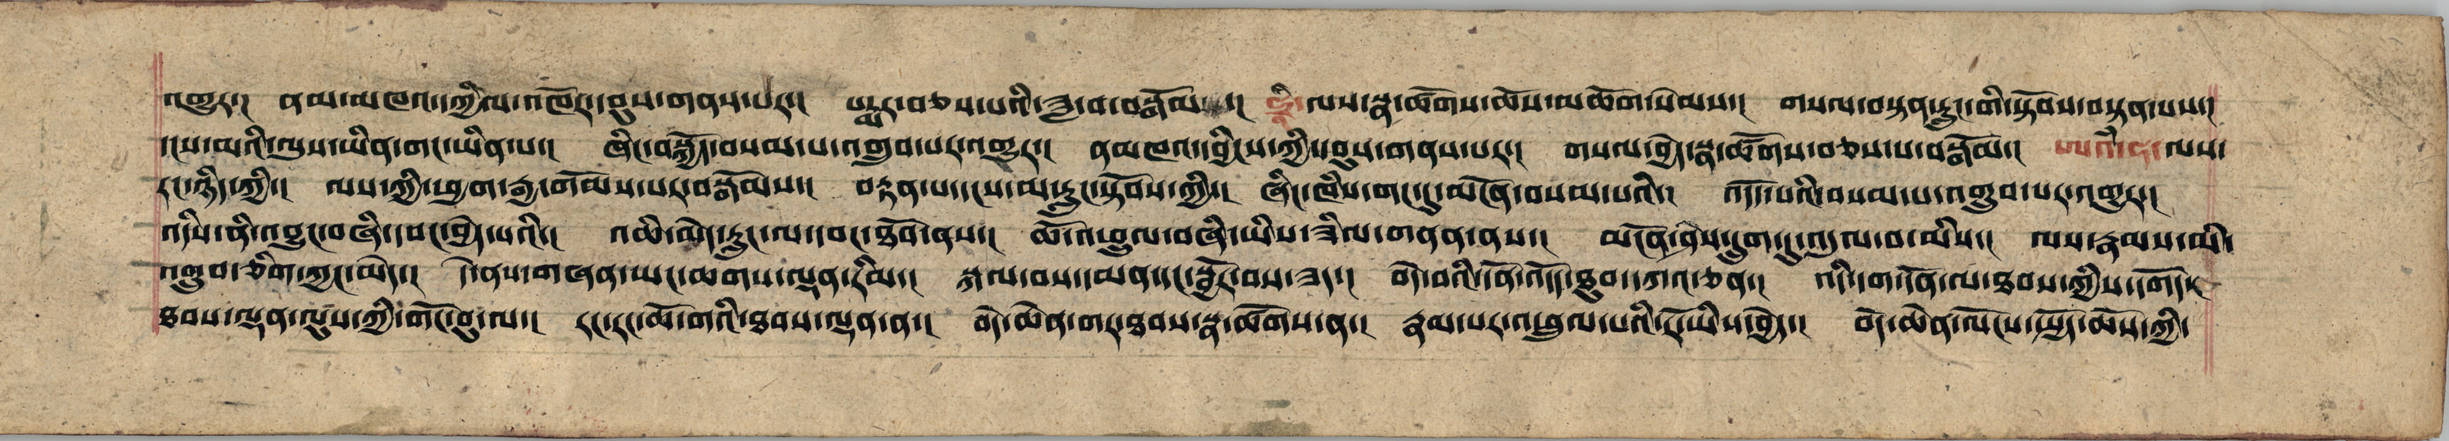འགྱུར་། ནམ་མཁའ་དཀྱིལ་འཁོར་དབུས་གནས་པར་། པདྨར་བཅས་པའི་ཟླ་བ་བསྒོམ ་། ཧྲཱི་ལས་སྣ་ཚོགས་ཆོས་མཆོག་སེམས་། གསལ་བསྟན་རླུང་གི་སྟོབས་བསྟན་པས་།
དངས་མའི་ལུས་ཡིན་གང་ཡིན་པ་། ཞིང་བསྐྱོད་བསམ་པ་འགྲུབ་པར་འགྱུར་། ནམཁའ་དབྱིངས་ཀྱི་དབུས་གནས་པར་། གསལ་བྱེད་སྣ་ཚོགས་བཅས་པ་བསྒོམ་། ཨའཾ་ཧ་ལས་
རང་ཉིད་ཀྱི་། ལས་ཀྱི་ཕྱག་རྒྱ་གོམས་པར་བསྒཽམས་། བརྟན་པ་དངས་མ་རླུང་སྟོབས་ཀྱི་། ཞིང་ཁཾས་གང་དུ་མངོན་བསམ་པའི་། འདོད་པའི་བསམ་པ་འགྲུབ་པར་འགྱུར་།
འདི་ནི་འབྱུང་བཞི་དབང་བྱེད་པའི་། འཆི་མེད་རླུང་ལ་དབང་ཐོབ་ནས་། ཆོ་འཕྲུལ་བཞི་ཡིས་ཟིལ་གནན་ནས་། མངོན་ཤེས་དྲུག་དུ་འདུལ་བ་ཡིས་། ལས་རྣམས་མི་
འགྲུབ་ཅིག་ཀྱང་མེད་། དེ་ནས་གཞན་ཡང་ཆགས་ལྡན་རིམ་། སྐལ་བས་དམན་དང་སྦྱོར་བས་ཟད་། བདེ་བའི་དོན་འདོད་ཐུབ་དཀའ་ཅན་། འདི་དག་དོན་ལ་ཐབས་ཀྱིས་དགོད་།
ཐབས་ལྡན་ལུས་ཀྱི་གོང་བུ་ལ་། རང་རང་ཆོ་གའི་ཐབས་ལྡན་ན་། བདེ་ཆེན་གར་ཐབས་སྣ་ཚོགས་ན་། རྣམ་པར་འཕྲུལ་པའི་རོ་ཡིས་བྱེད་། བདེ་ཆེན་ལོངས་སྤྱོད་ཆོས་ཀྱི་